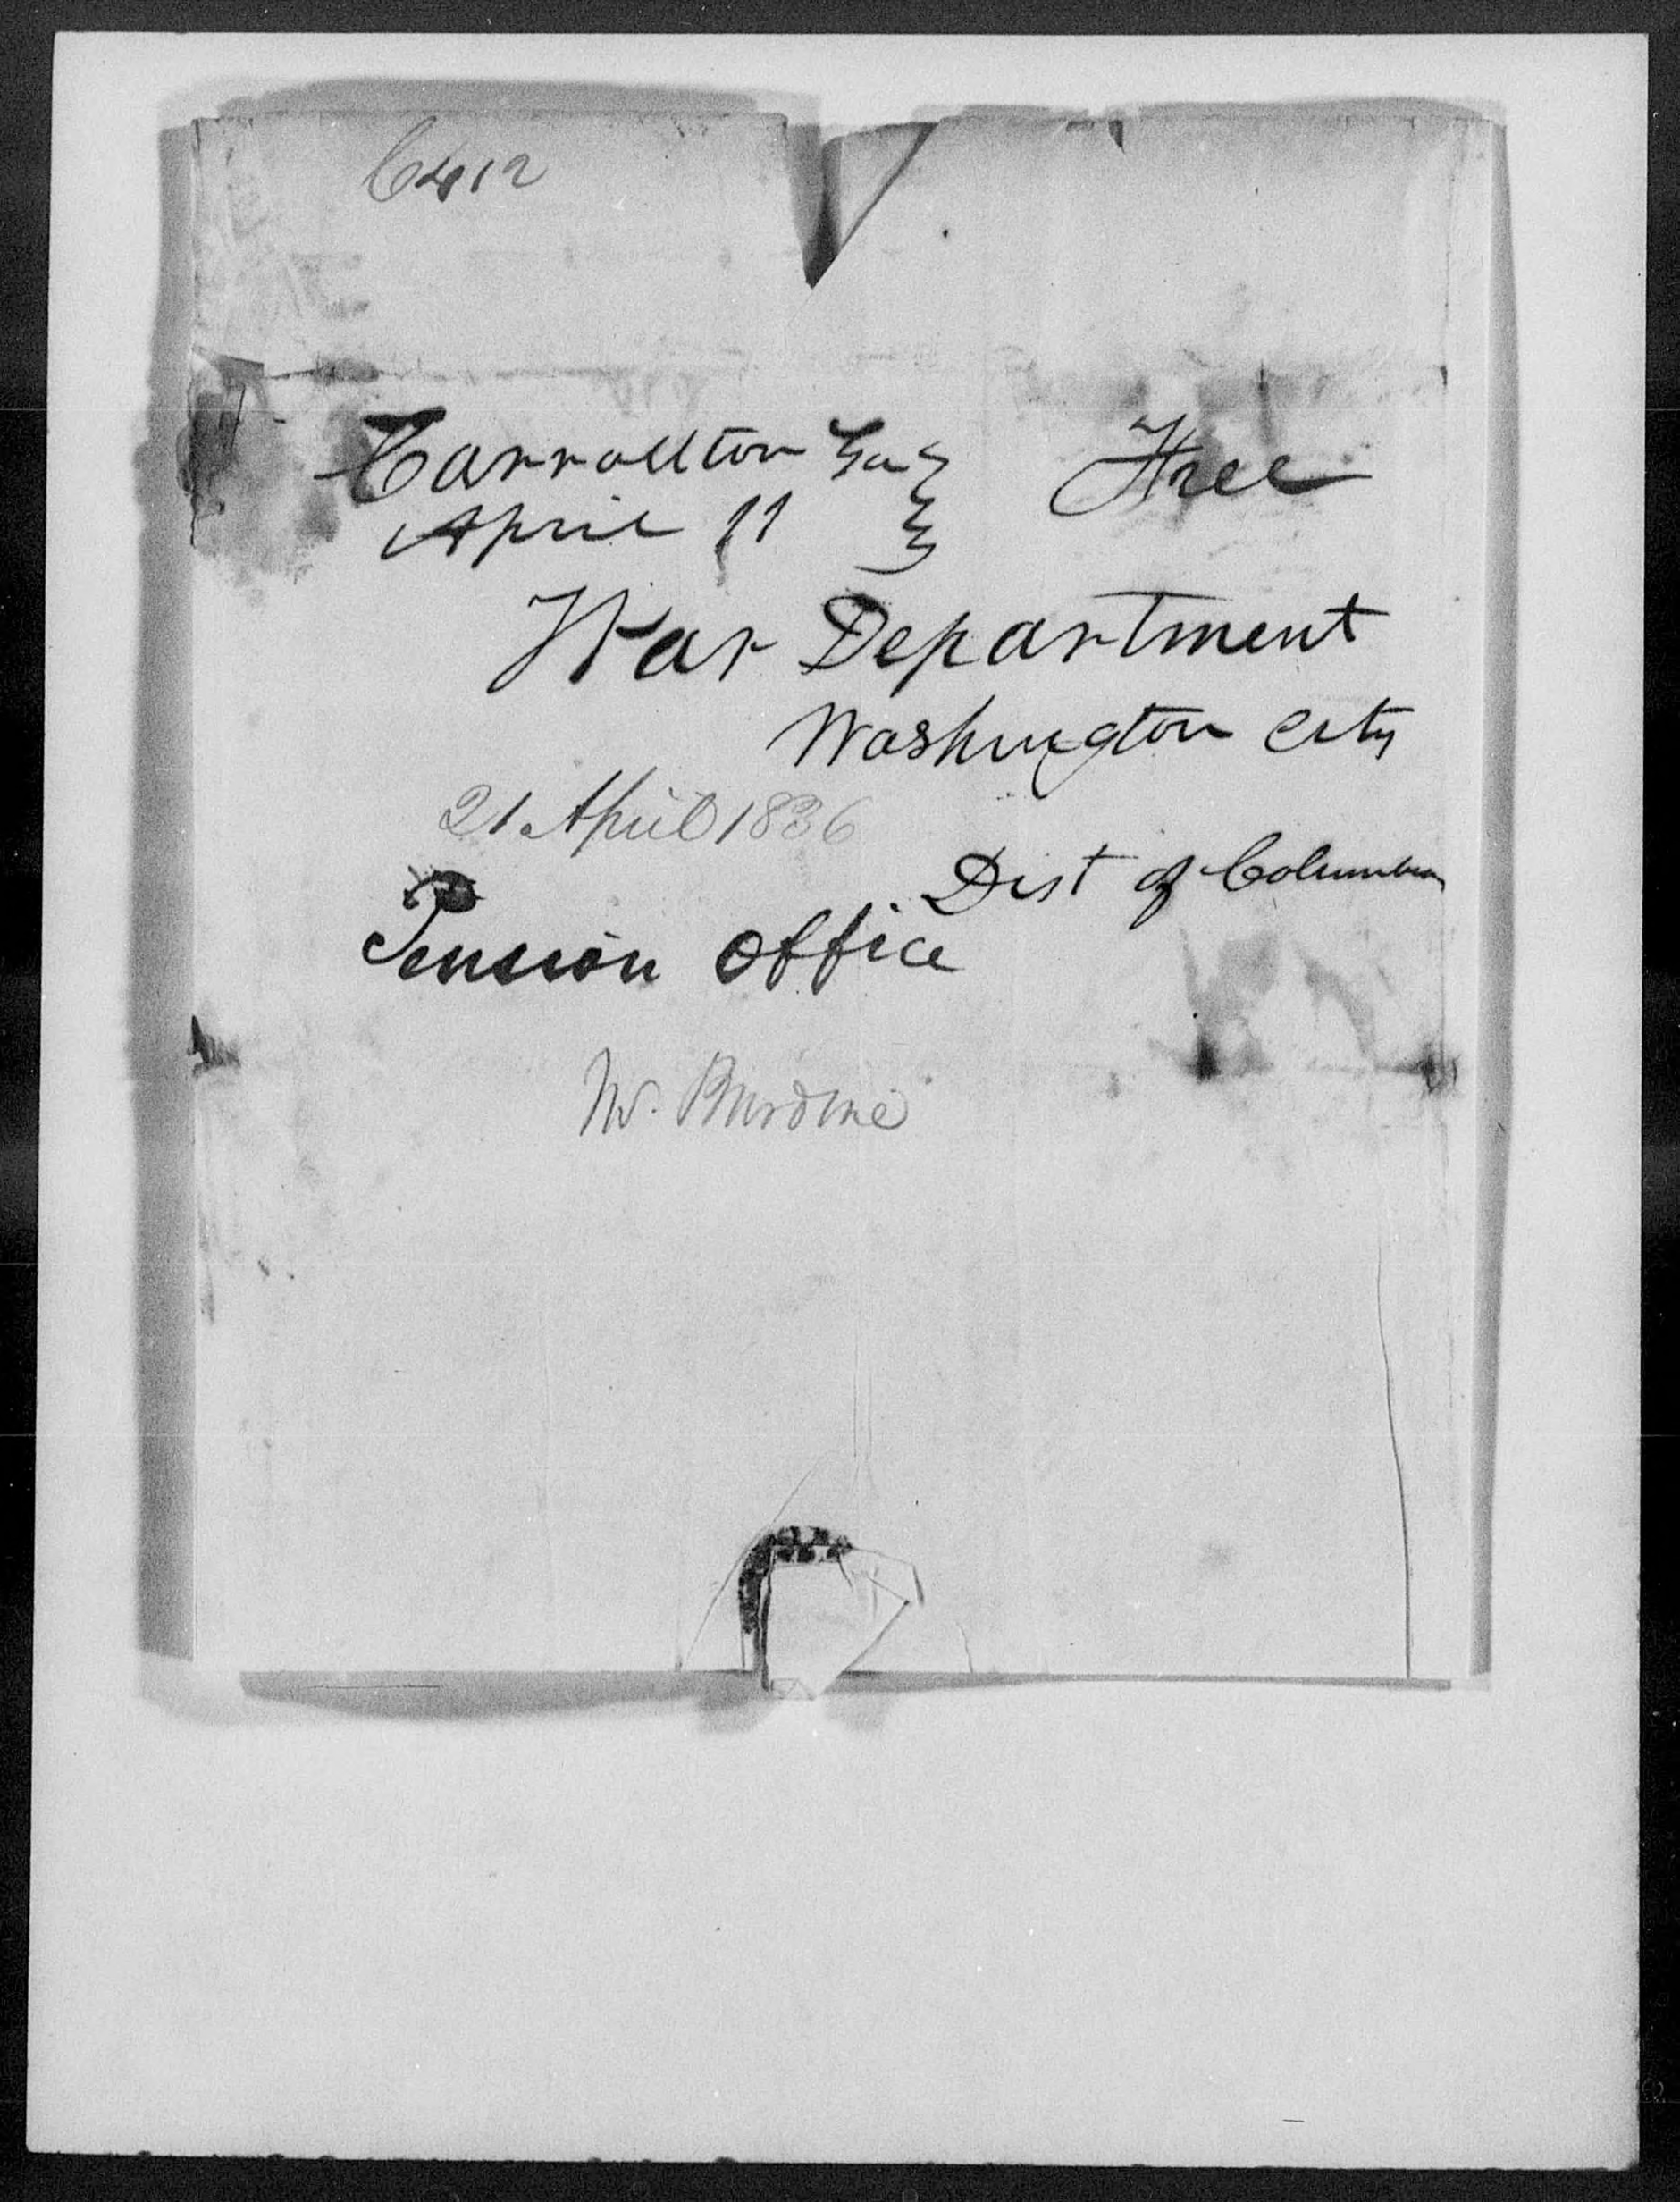C 412

Carrollton Ga
April 11} Free
War Department
Washington City
 21 April 1836
Dist of Columbia
Pension Office
NS. Burdine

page: 30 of 42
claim: survivor's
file: S. 31,595, John Carmickele, Penn.